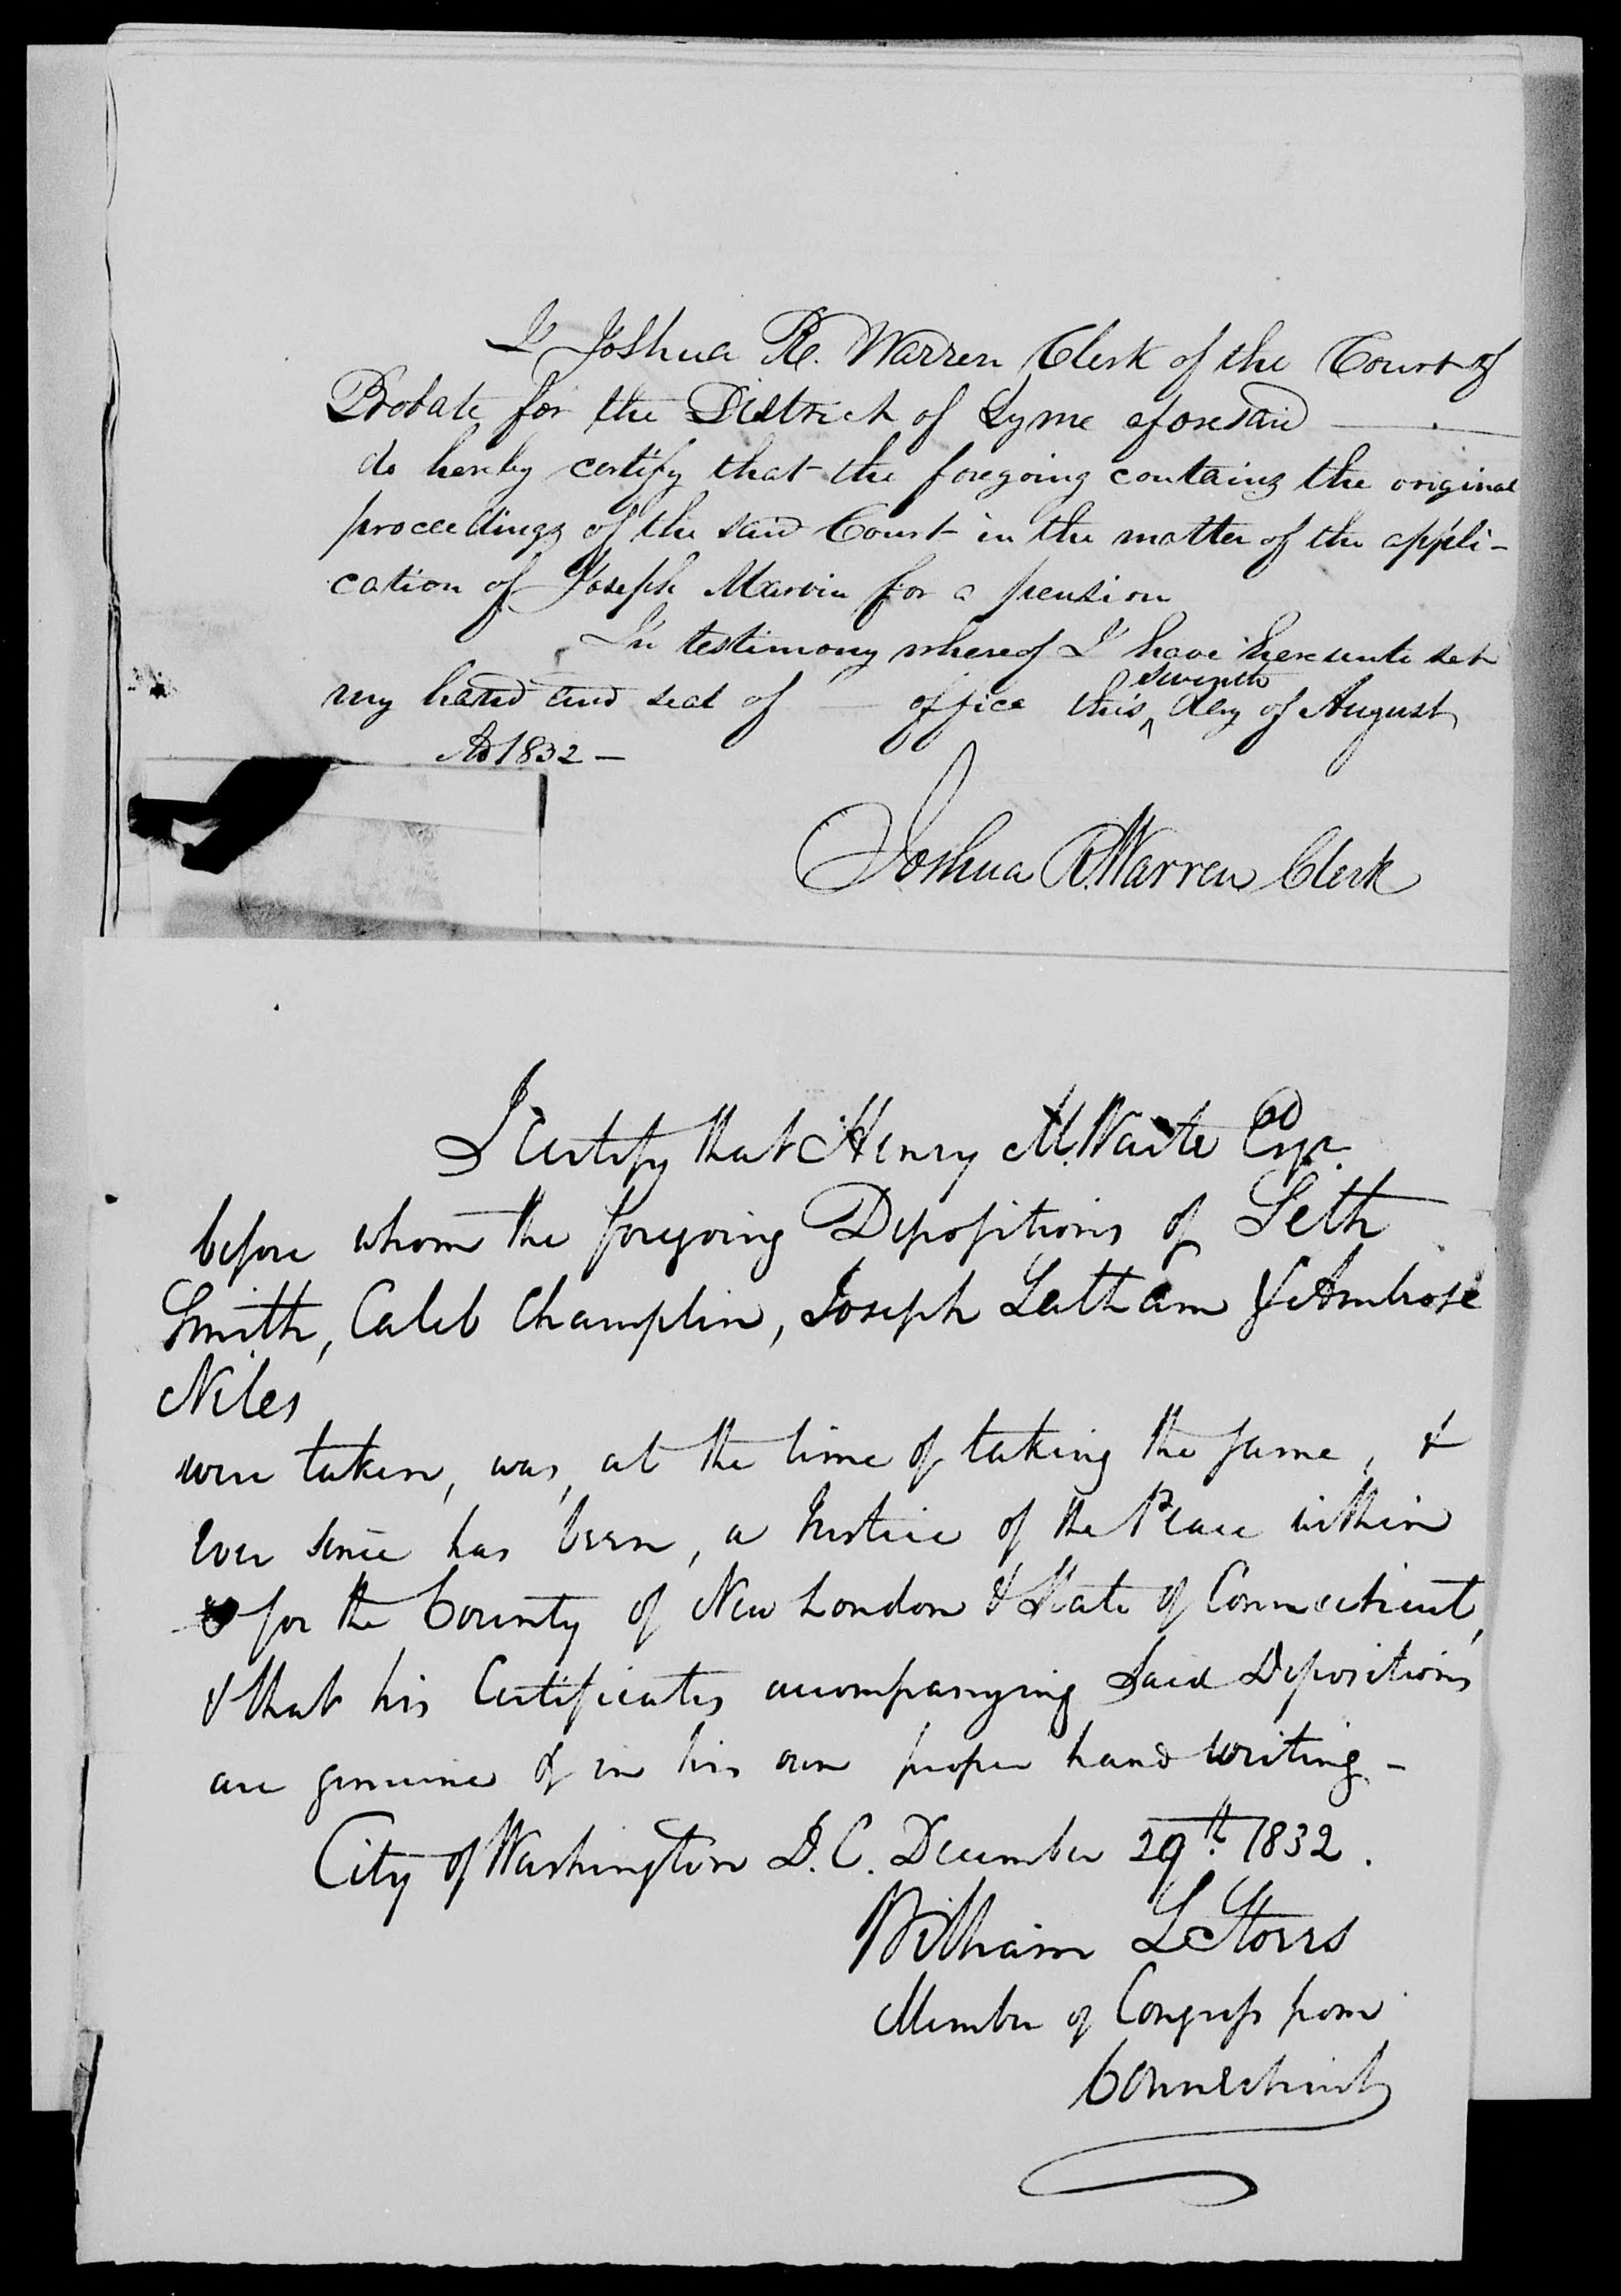I Joshua R. Warren Clerk of the Court of Probate for the District of Lyme aforesaid __
do hereby certify that the foregoing contains the original proceedings of the said Court in the matter of the application of Joseph Marvin for a pension

In testimony whereof I have hereunto set my hand and seal of office this seventh day of August AD 1832
Joshua R. Warren Clerk

I certify that Henry M. Waite 60 yr.
before whom the forgoing Deposition of Seth Smith, Caleb Champlin, Joseph Latham & Ambrose Niles
were taken, was at the time of taking the same & ever since has been, a Justice of the Peace within & for the County of New London & State of Connecticut, & that his certificates accompanying said Depositions are genuine & in his own proper handwriting__
City of Washington D. C.  
December 29th 1832
William L Horrs
Member of Congress from
Connecticut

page: 19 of 20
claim: survivor's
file: S. 15,516, for Joseph Marvin, Connecticut